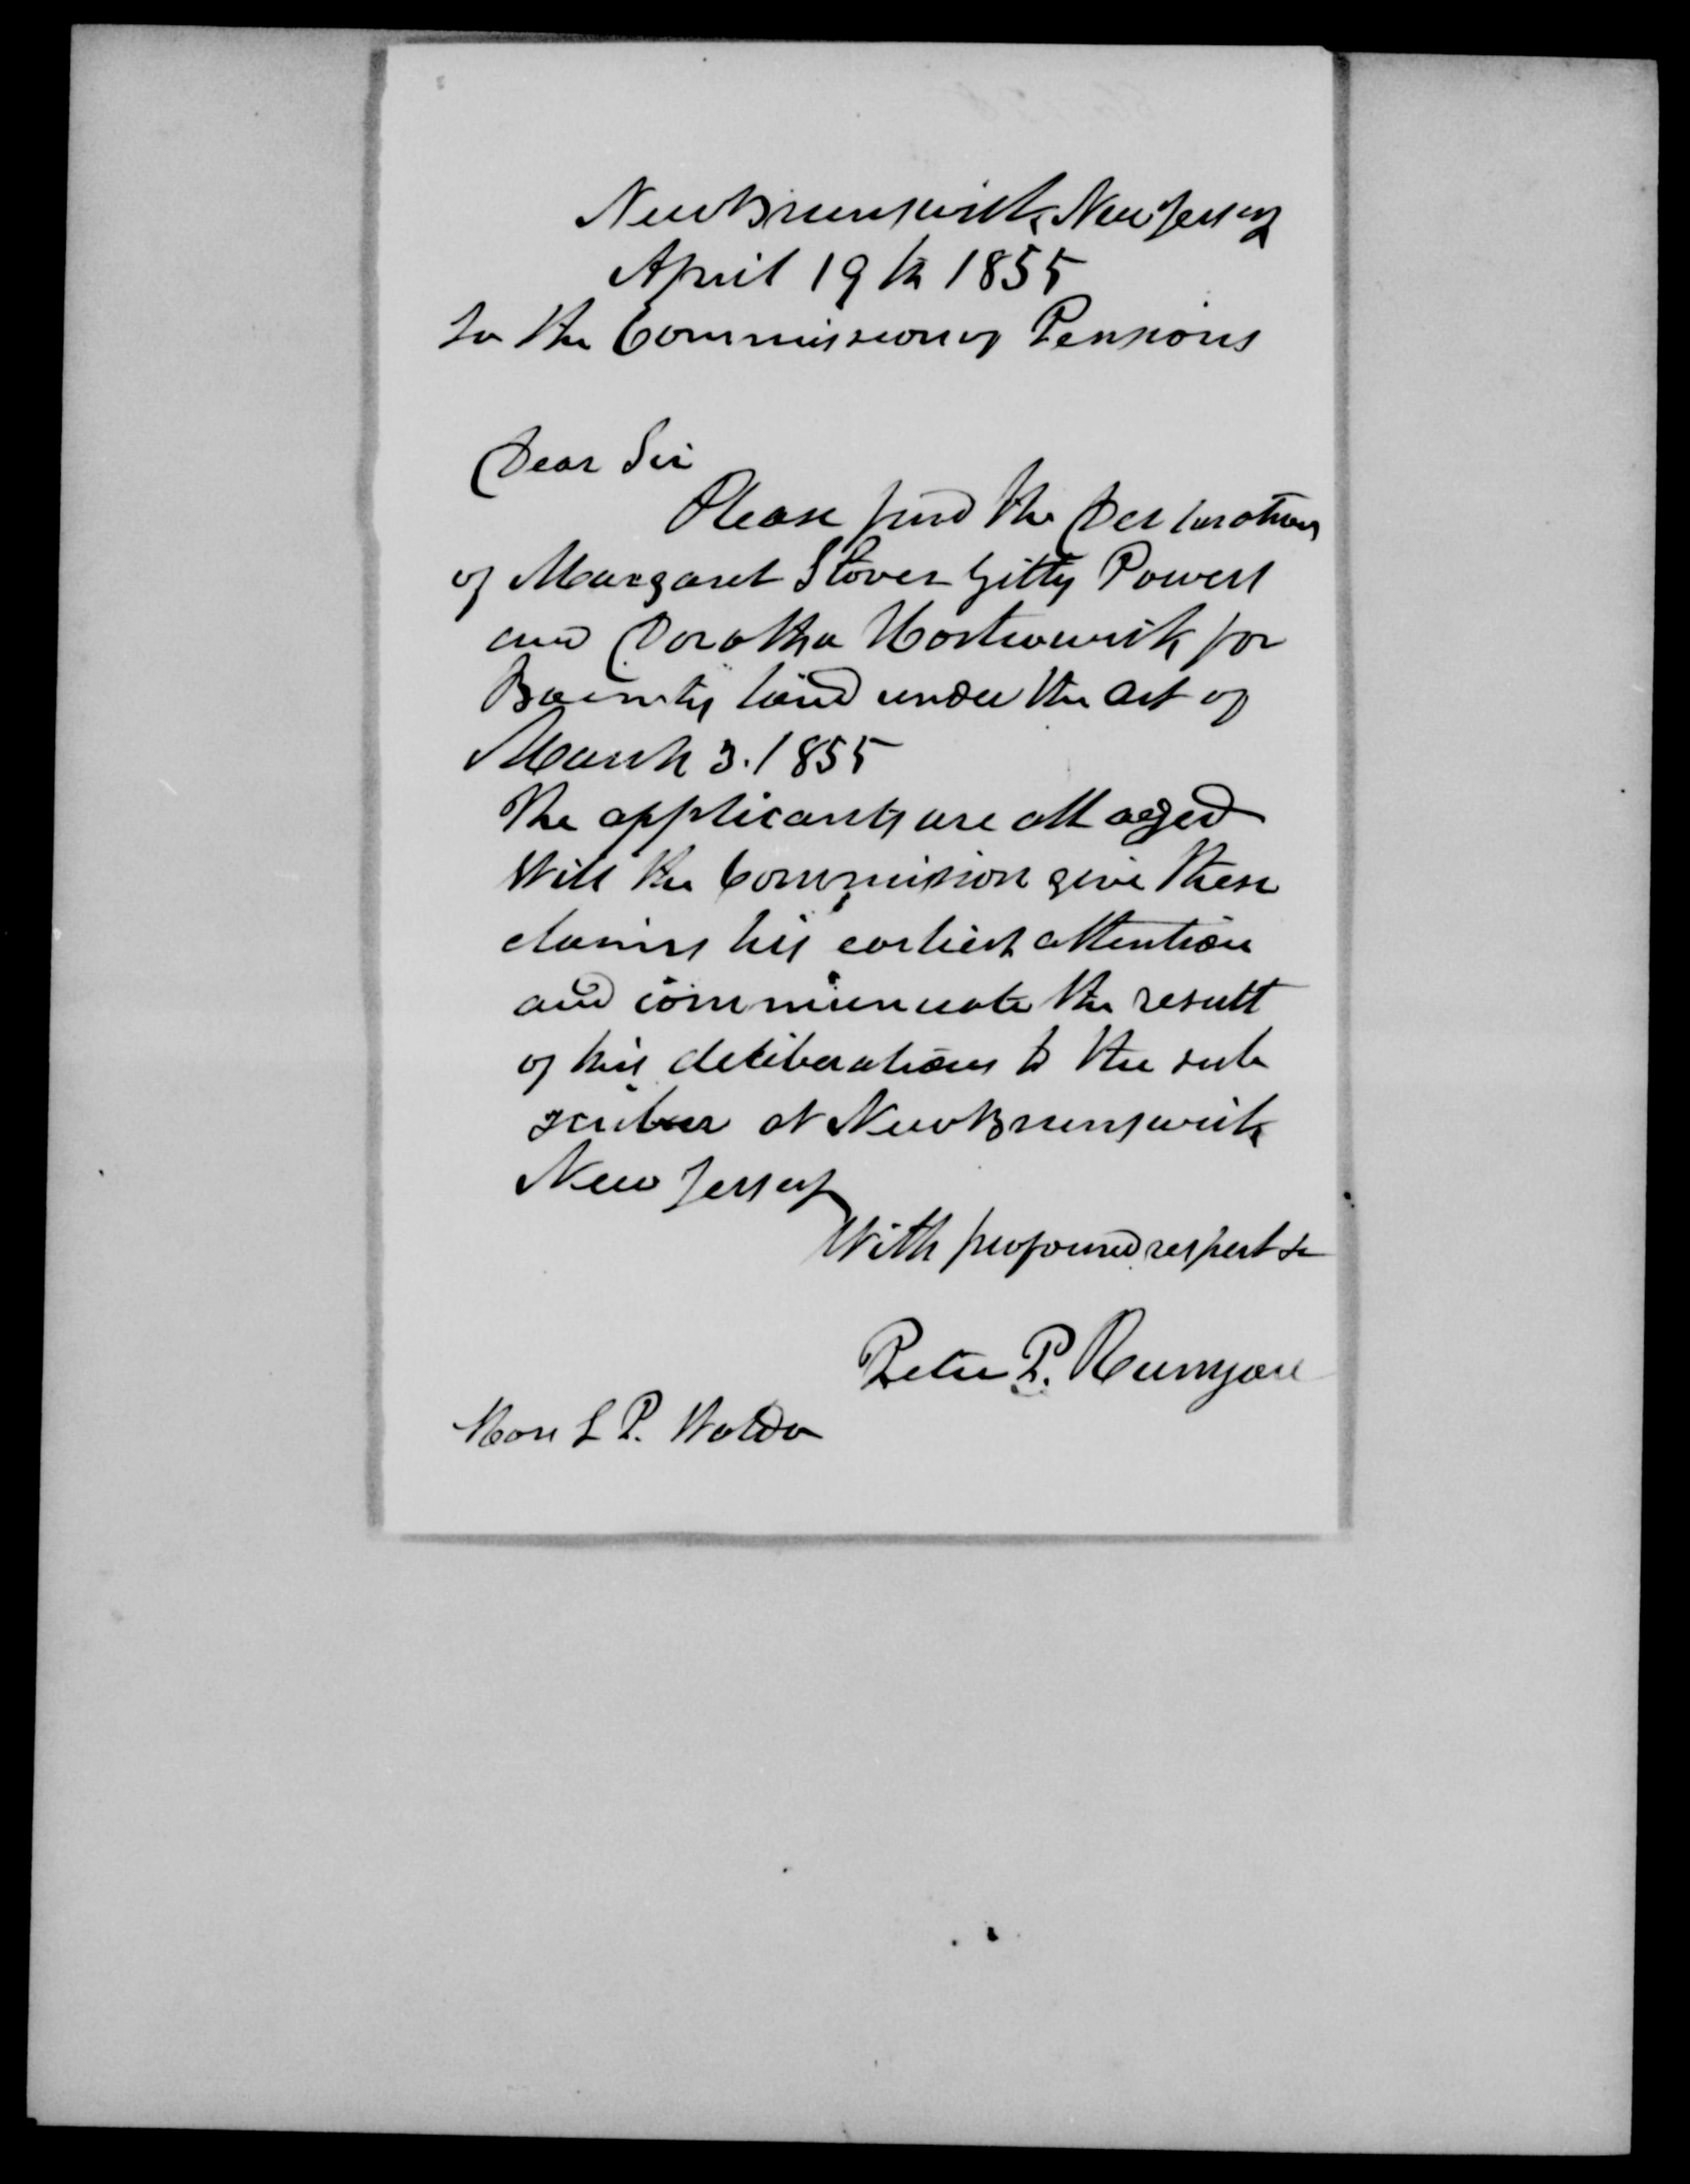New Brunswick, New Jersey
April 19th 1855

To the Commissioner [of] Pensions

Dear Sir,

Please find the declarations of Margaret Slover, Gitty Powers and Dorothy Hortevwick for Bounty Land under the Act of March 3, 1855.

The applicants are all aged. Will the commissioner give these claims his earliest attention and communicate the result of this deliberations to the subscriber at New Brunswick, New Jersey.

With profound respect &c.,
s/ Peter P. Runyon

Hon. L.P. Waldo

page: 22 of 46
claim: widow's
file: W. 6205, for John Slover, New Jersey